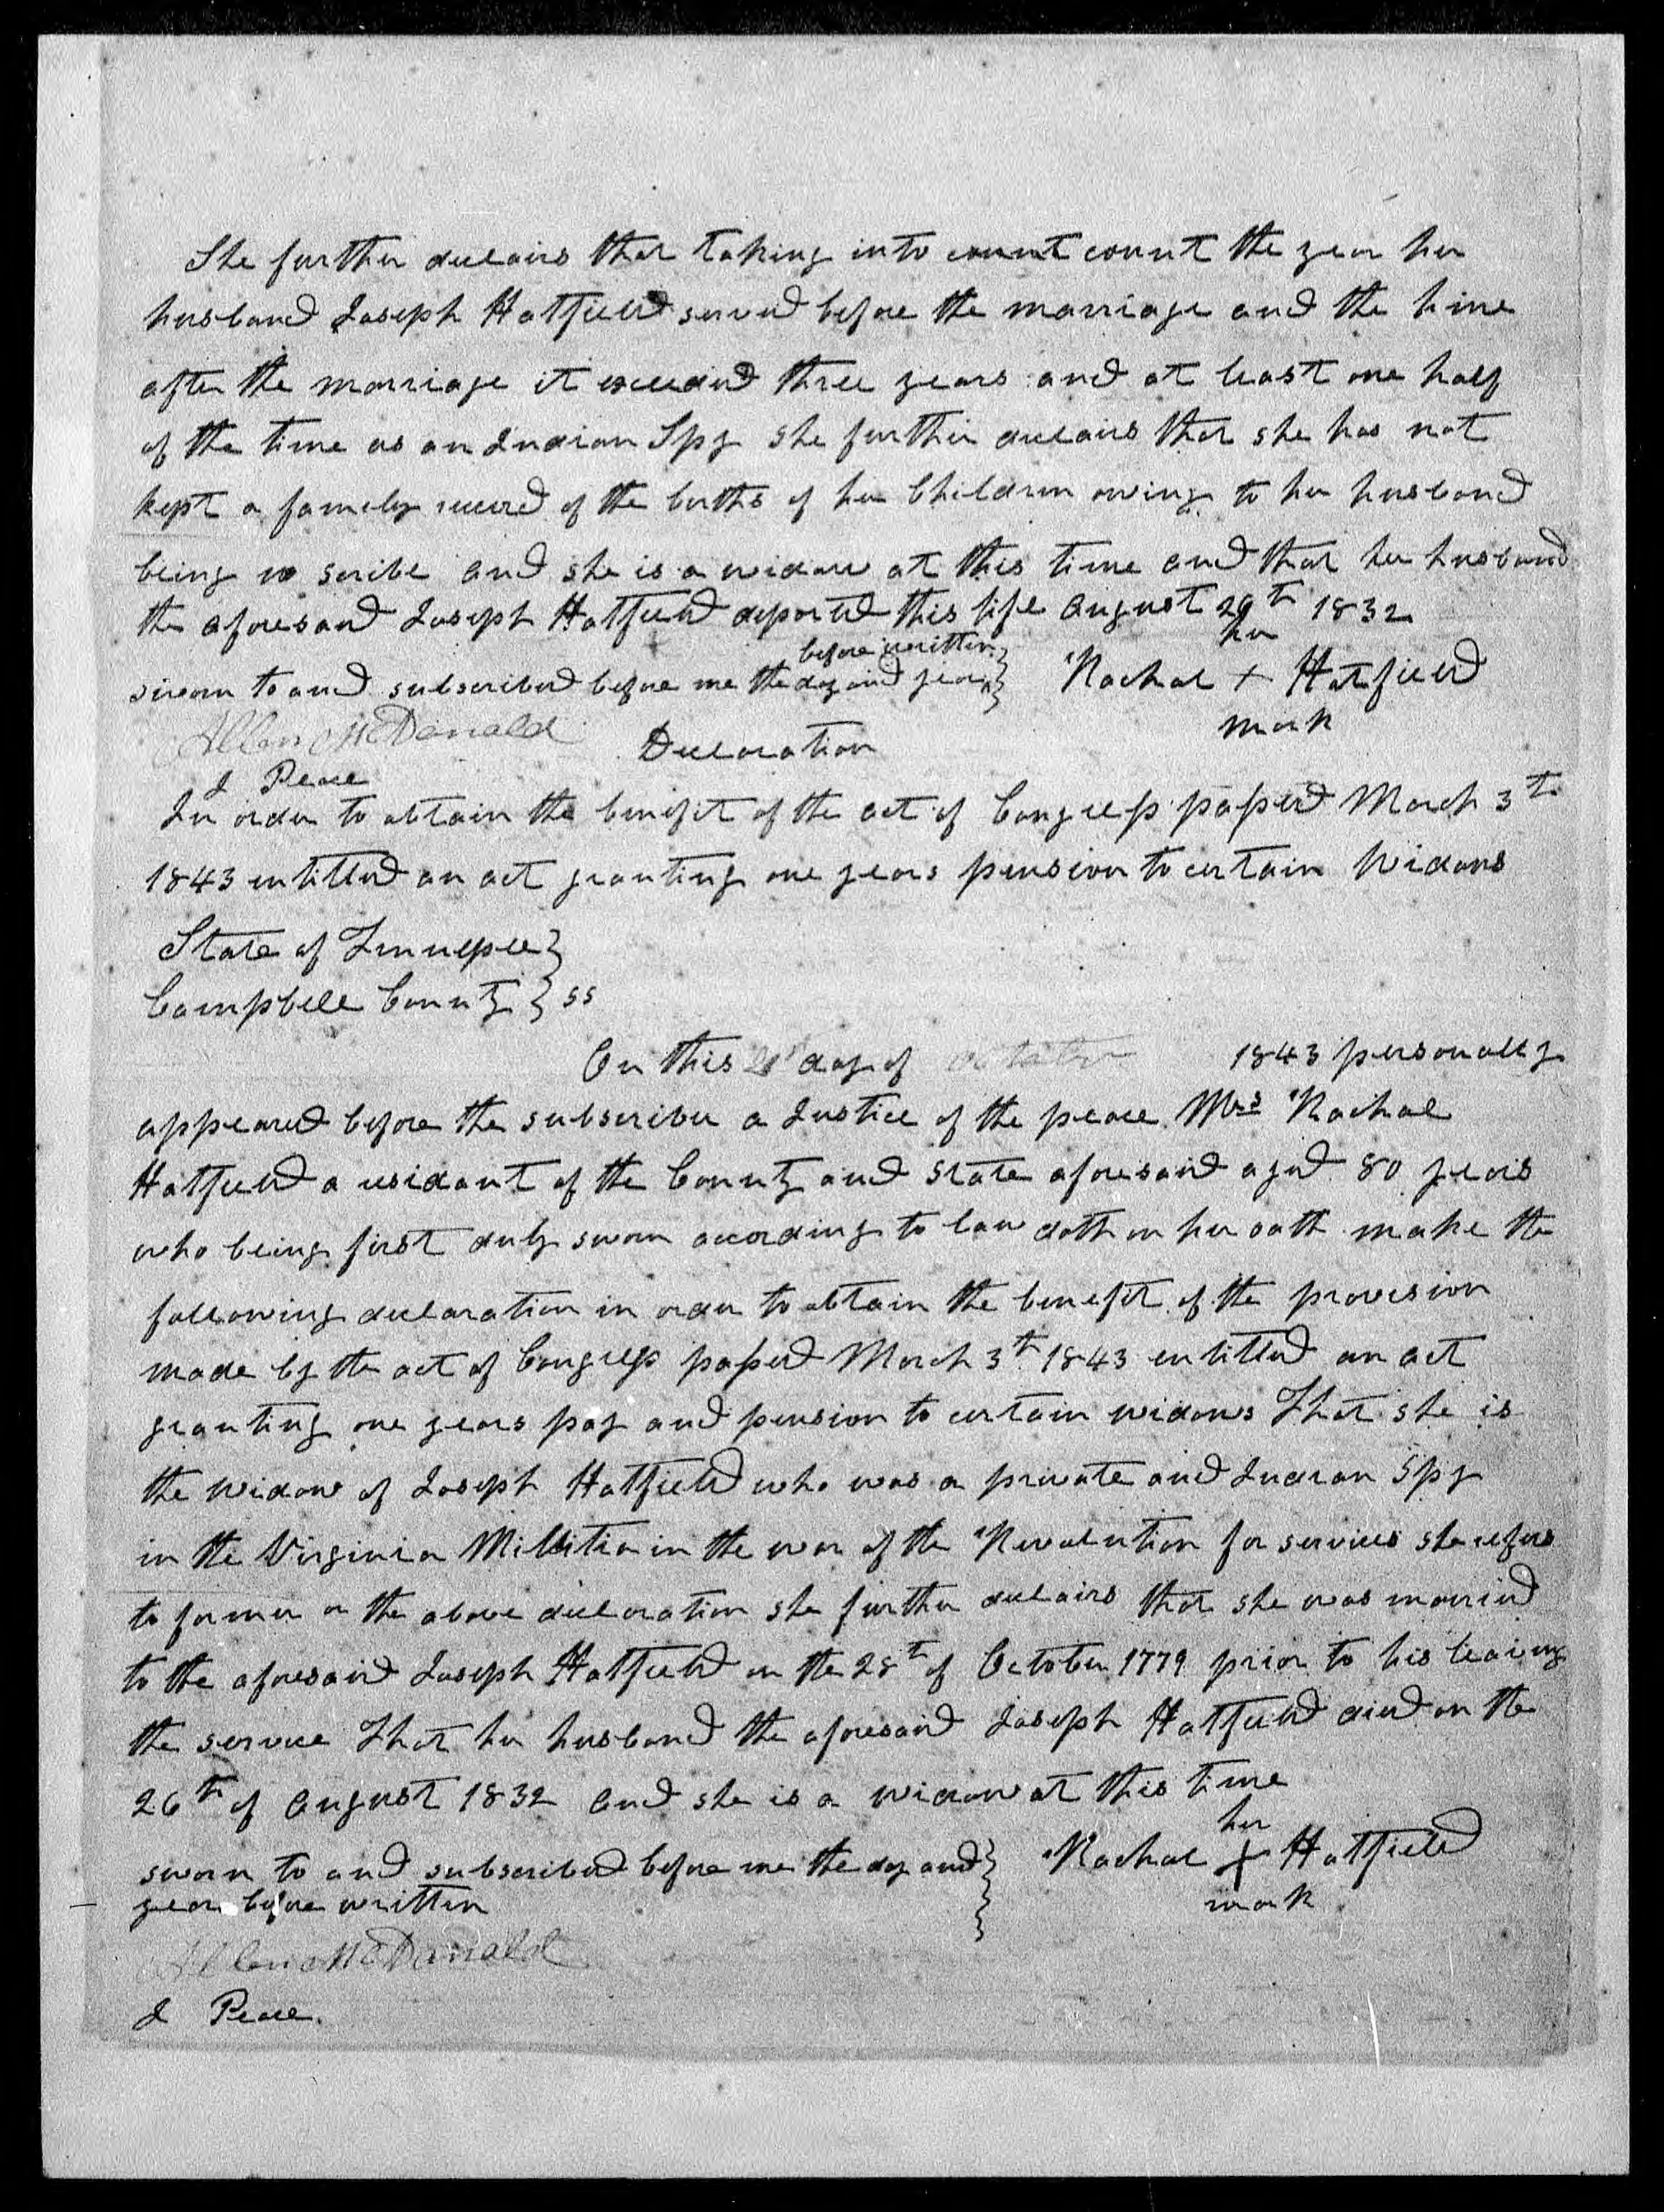She further declares that taking into account the year her husband Joseph Hatfield served before the marriage and the time after the marriage it exceed three years and at least one half of the time as an Indian spy. She further declares that she has not kept a family record of the births of her children owing to her husband being no scribe and she is a widow at this time and that her husband the aforesaid Joseph Hatfield departed this life August 26th 1832.
Rachel Hatfield X her mark

Sworn to and subscribed before me the day and year before written. 
Allen McDonald, J. Peace 

In order to attain the benefit of the act of Congress passed March 3rd 1843 entitled an act granting one years pension to certain Widows. 

State of Tennessee } Campbell County } ss
On this 21st day of October 1843 personally appeared before the subscriber a Justice of the peace, Mrs. Rachel Hatfield a resident of the County and state aforesaid aged 80 years who being first duly sworn according to law doth on her oath make the following declaration... That she is the widow of Joseph Hatfield who was a private and Indian spy in the Virginia Militia... she was married to the aforesaid Joseph Hatfield on the 28th of October 1779... that her husband the aforesaid Joseph Hatfield died on the 26th of August 1832 and she is a widow at this time.
Rachel Hatfield X her mark

Sworn to and subscribed before me the day and year before written.
 Allen McDonald, J. Peace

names: Joseph Hatfield, Rachal Hatfield, Joseph Hatfield, Joseph Hatfield, Rachal Hatfield, Rachal Hatfield, Allen Mc Donald, Joseph Hatfield, Allen Mc Donald, Joseph Hatfield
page: 5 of 74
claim: widow's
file: W. 5, Joseph Hatfield, Va.